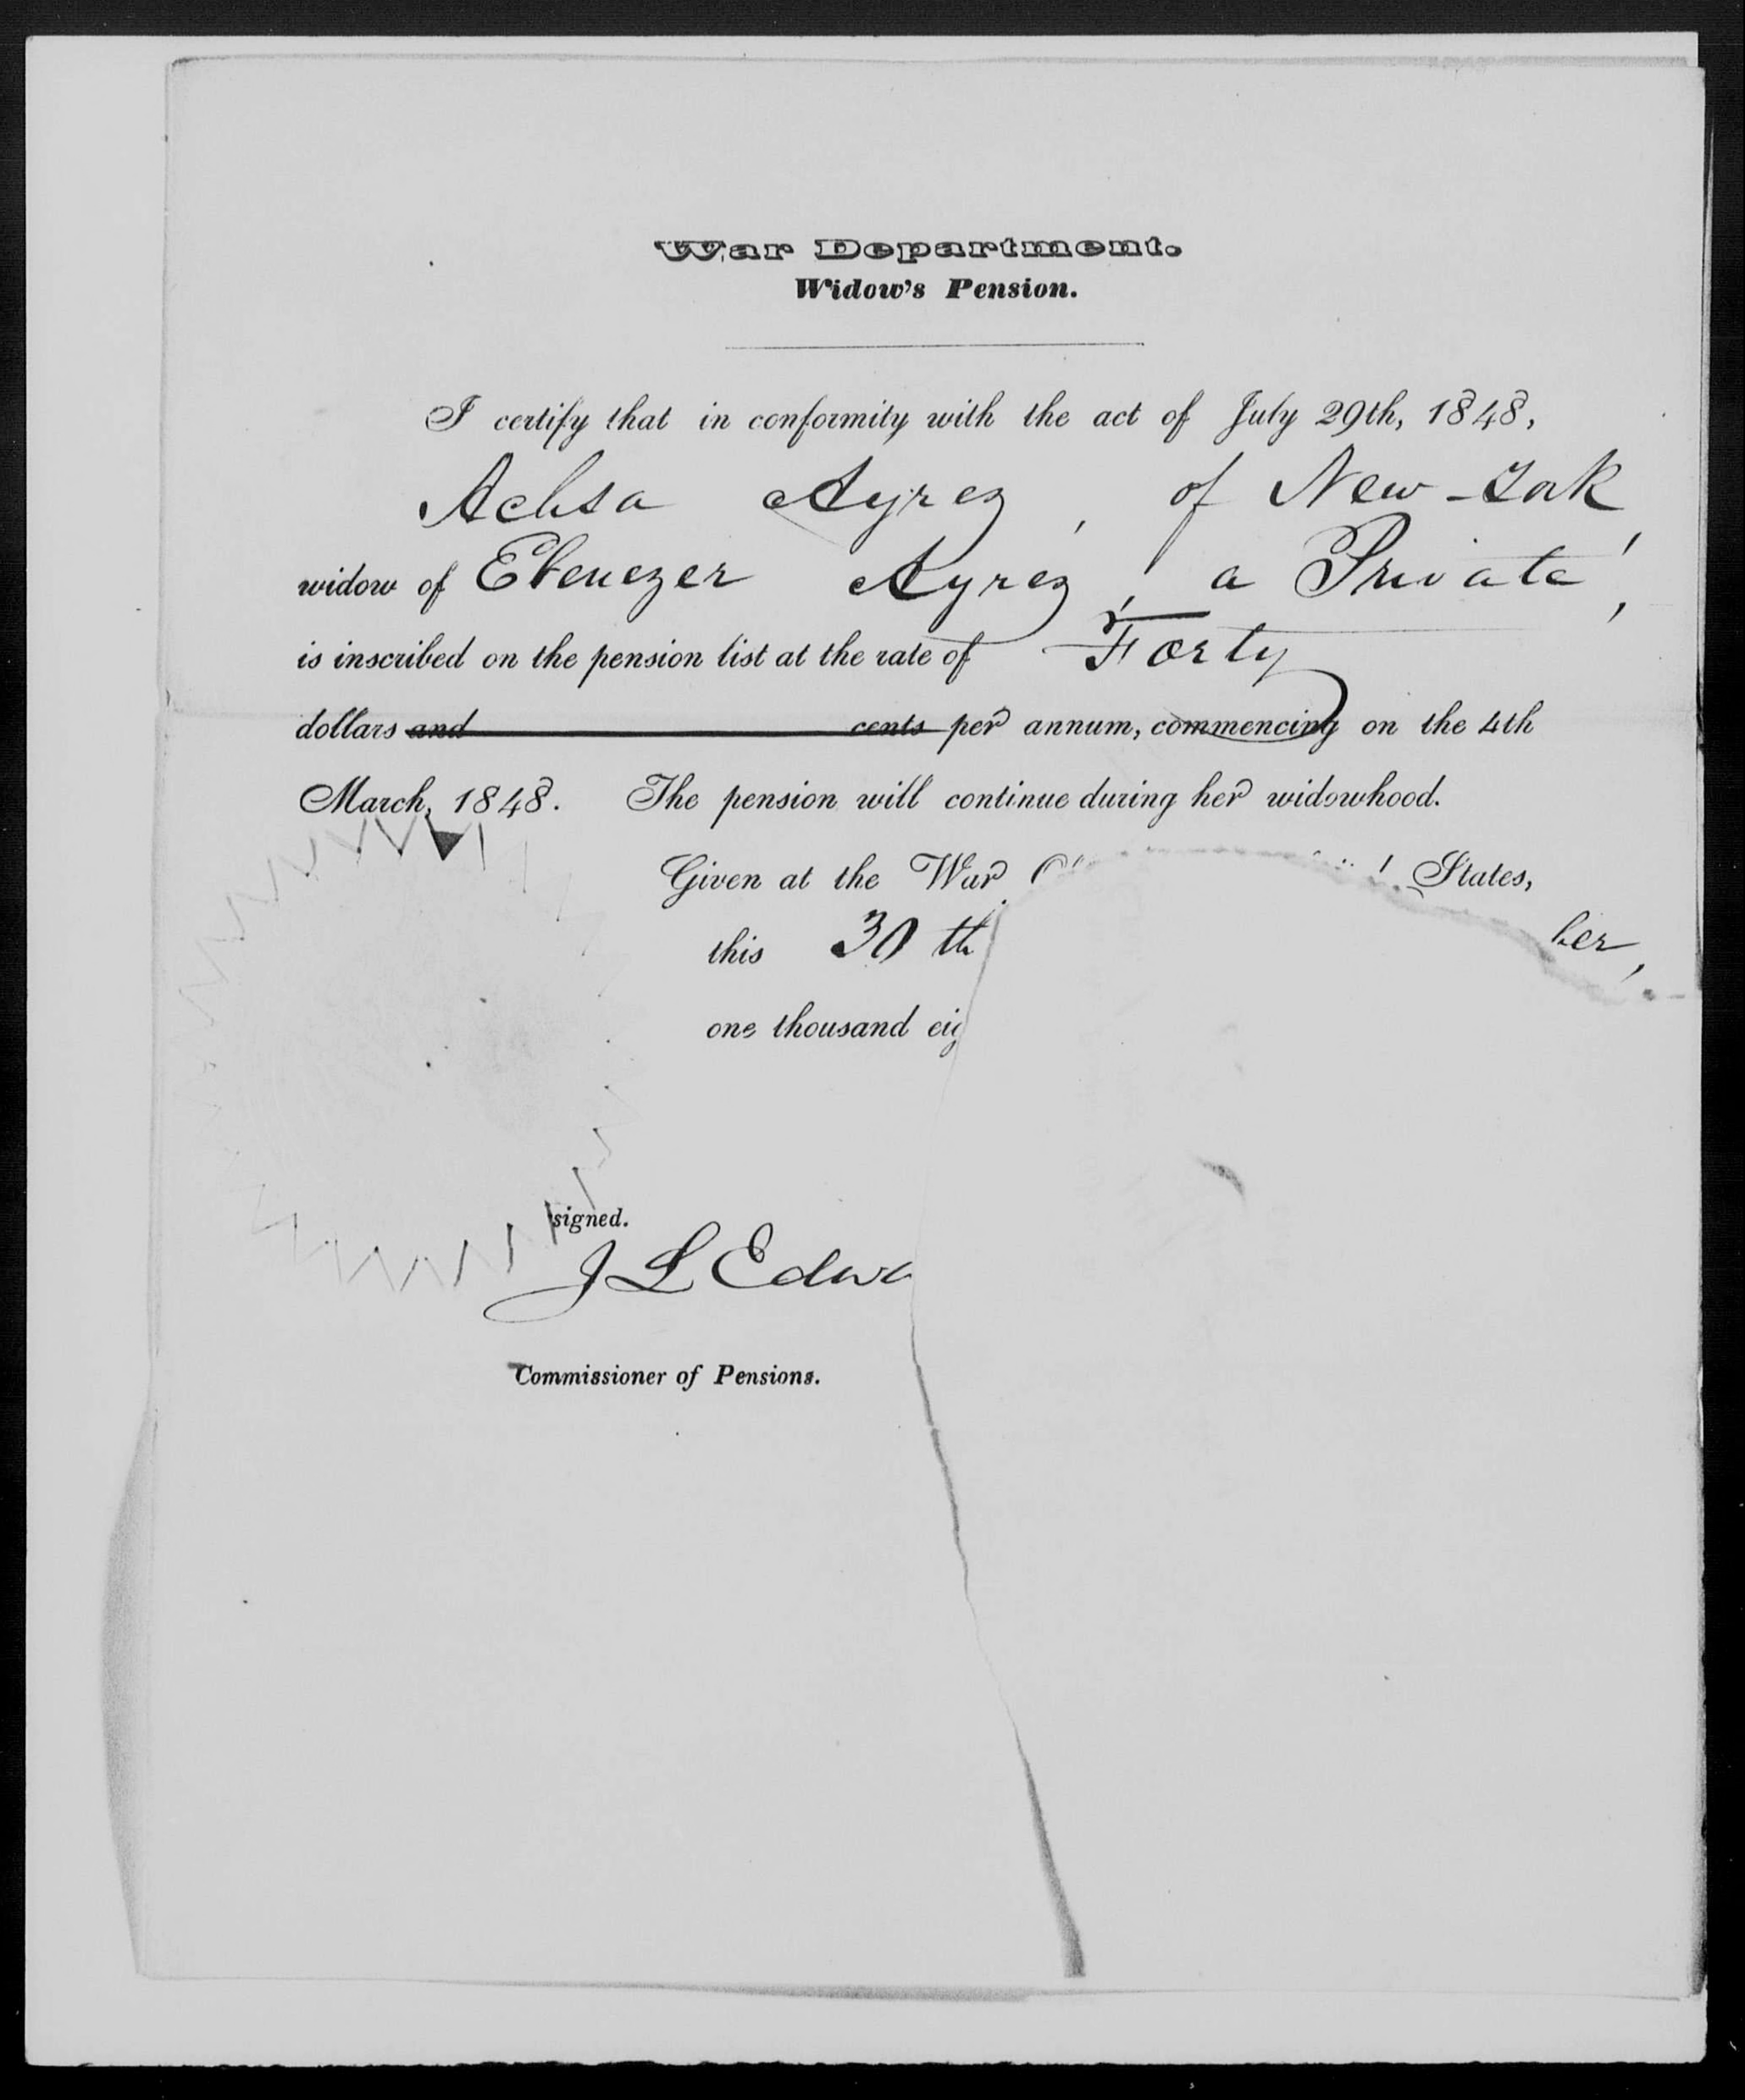WAR DEPARTMENT
Widow's Pension.

I certify that in conformity with the act of July 29th, 1848, Achsa Ayres, of New York, widow of Ebenezer Ayres, a Private, is inscribed on the pension list at the rate of Forty dollars and ______ cents [crossed out] per annum, commencing on the 4th March,1848.  The pension will continue during her widowhood.
Given at the War [paper ripped] States,
this 30th [paper ripped]
one thousand eig[paper ripped]
signed.
J L Edwa[paper ripped]

Commissioner of Pensions.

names: Ebenezer Ayres, Achsa Ayres, J L Edwa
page: 47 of 50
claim: widow's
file: W. 8559, Ebenezer Ayer, Continental (Conn)